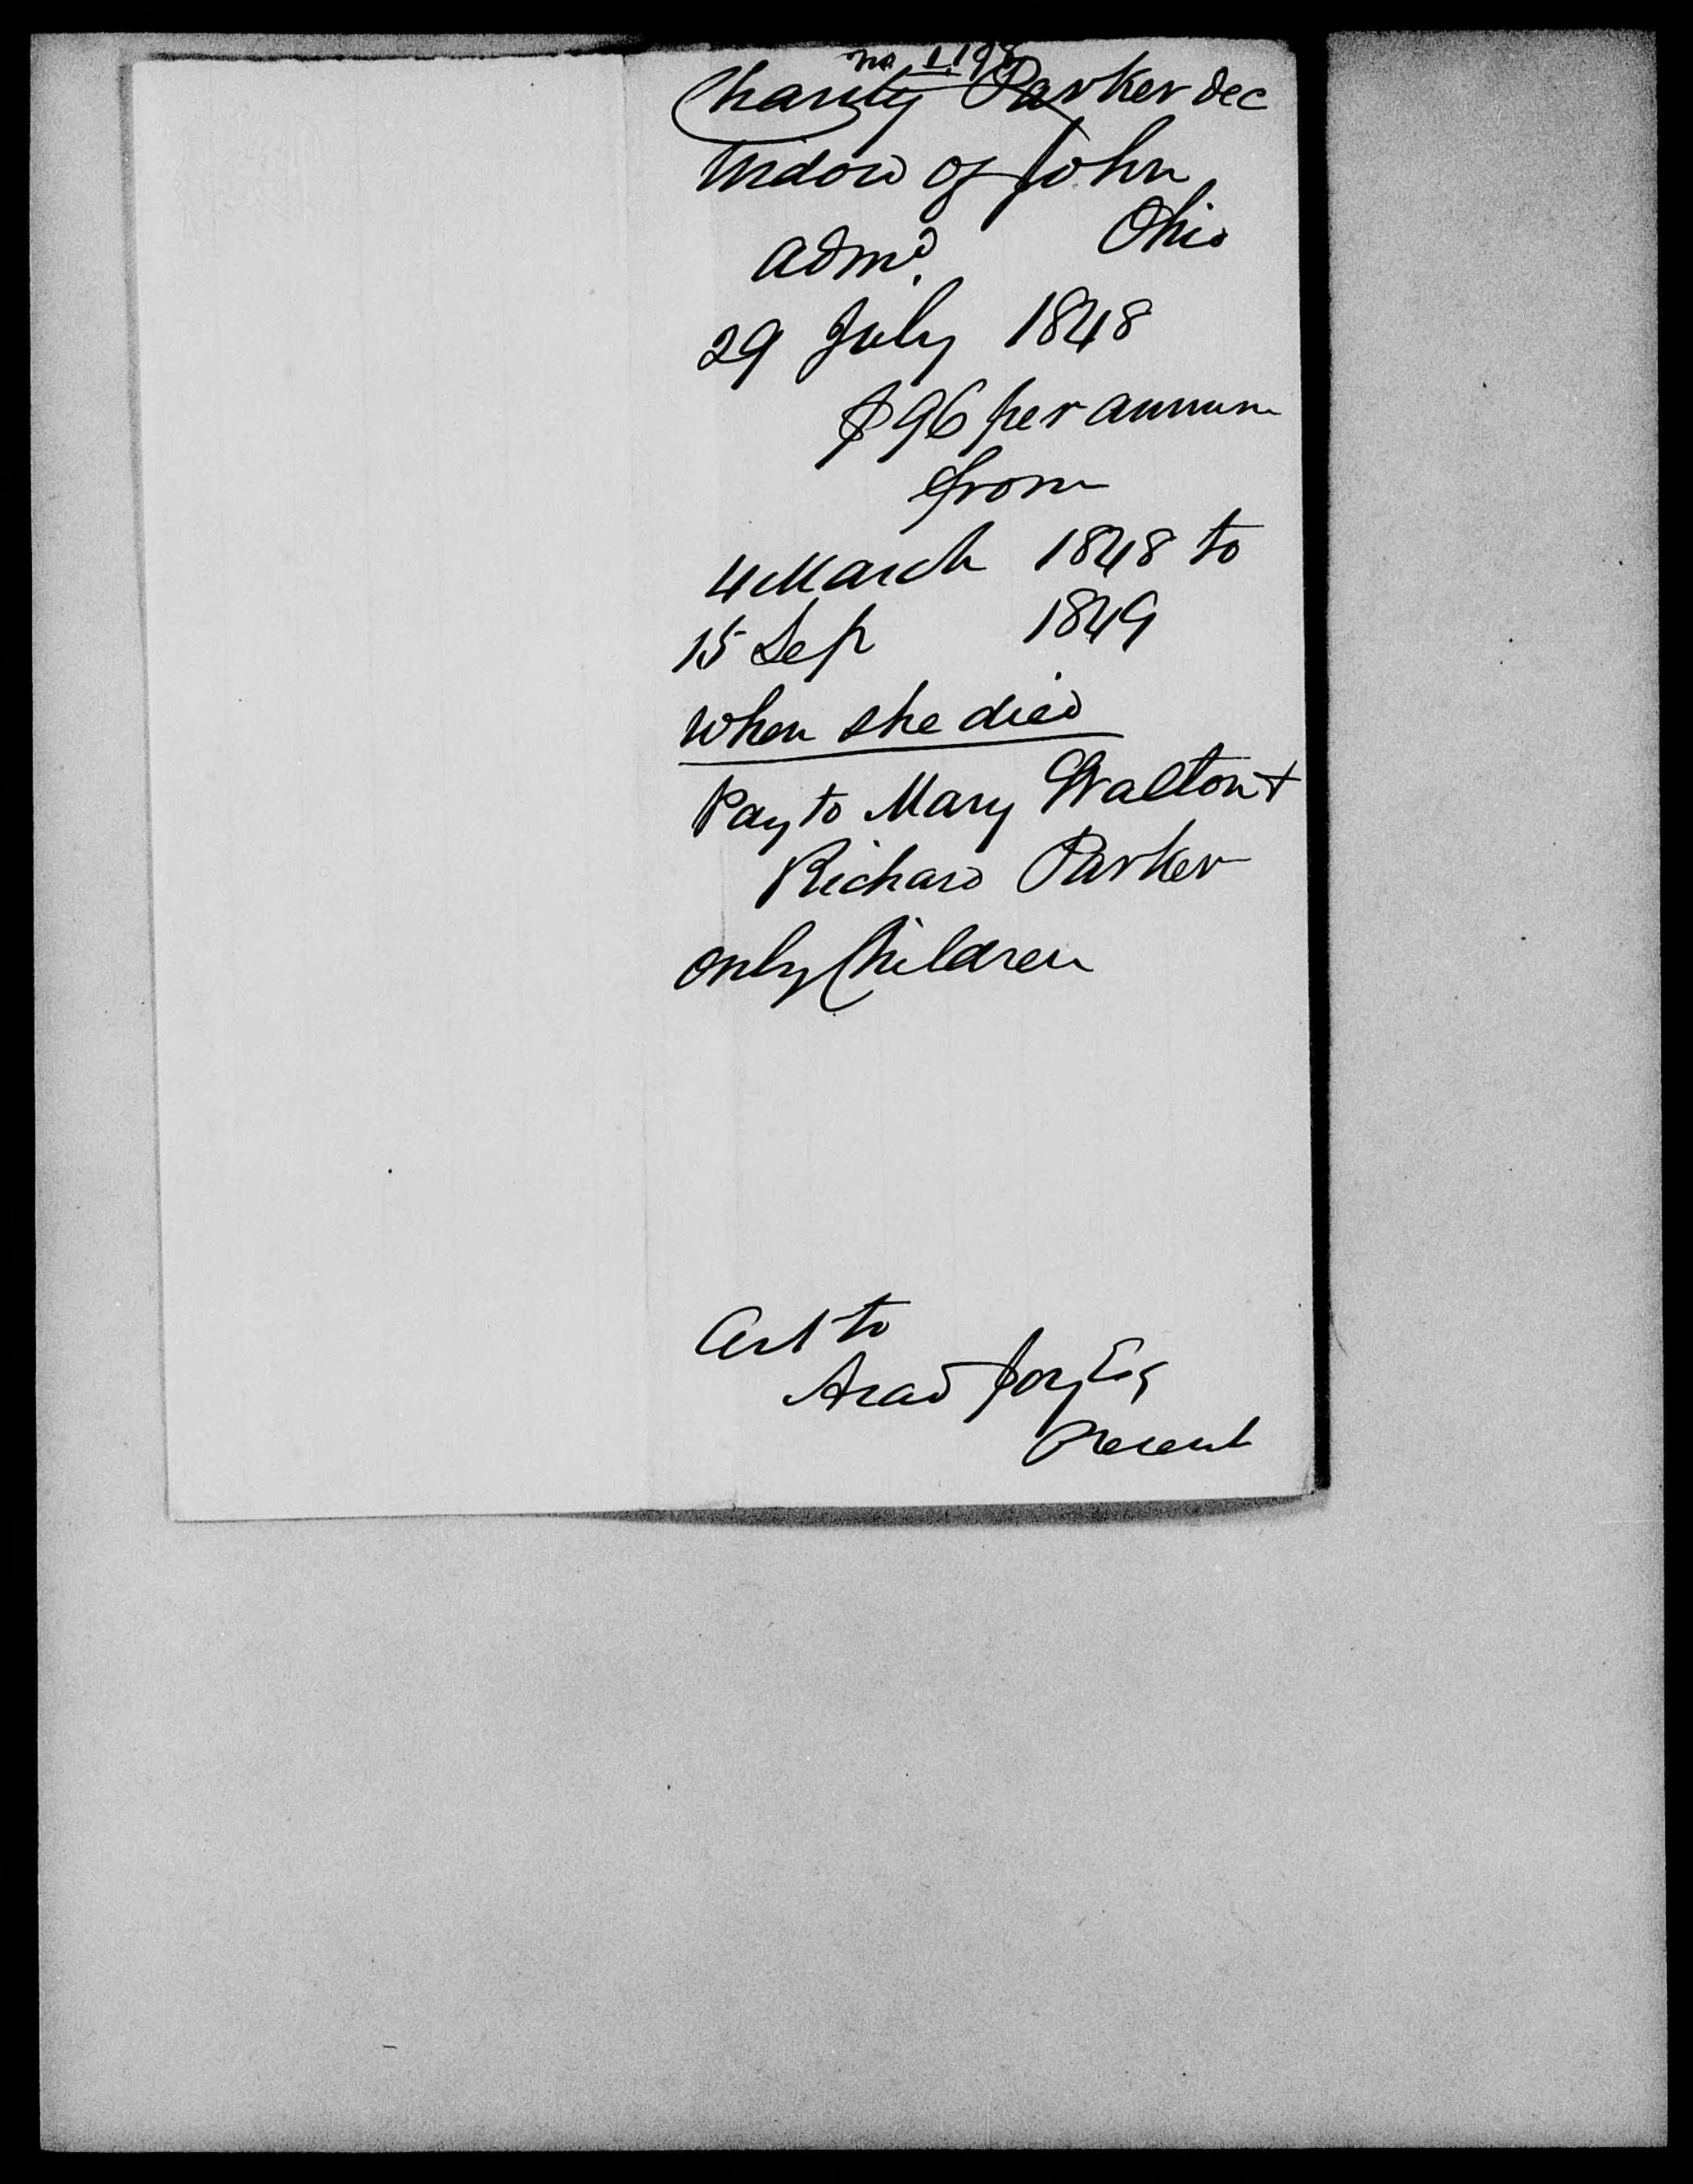No. 1,198
Charity Parker dec.
Widow of John
Admd. Ohio
29 July 1848
$96 per annum
from
4 March 1848 to
15 Sep 1849
when she died
Pay to Mary Walton & 
Richard Parker 
only children

Act to
Arad Joy Esq
present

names: Richard Parker; Charity Parker; Mary Walton; Arad Joy; John Parker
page: 32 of 40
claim: widow's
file: W. 3,588, for John Parker, Pennsylvania